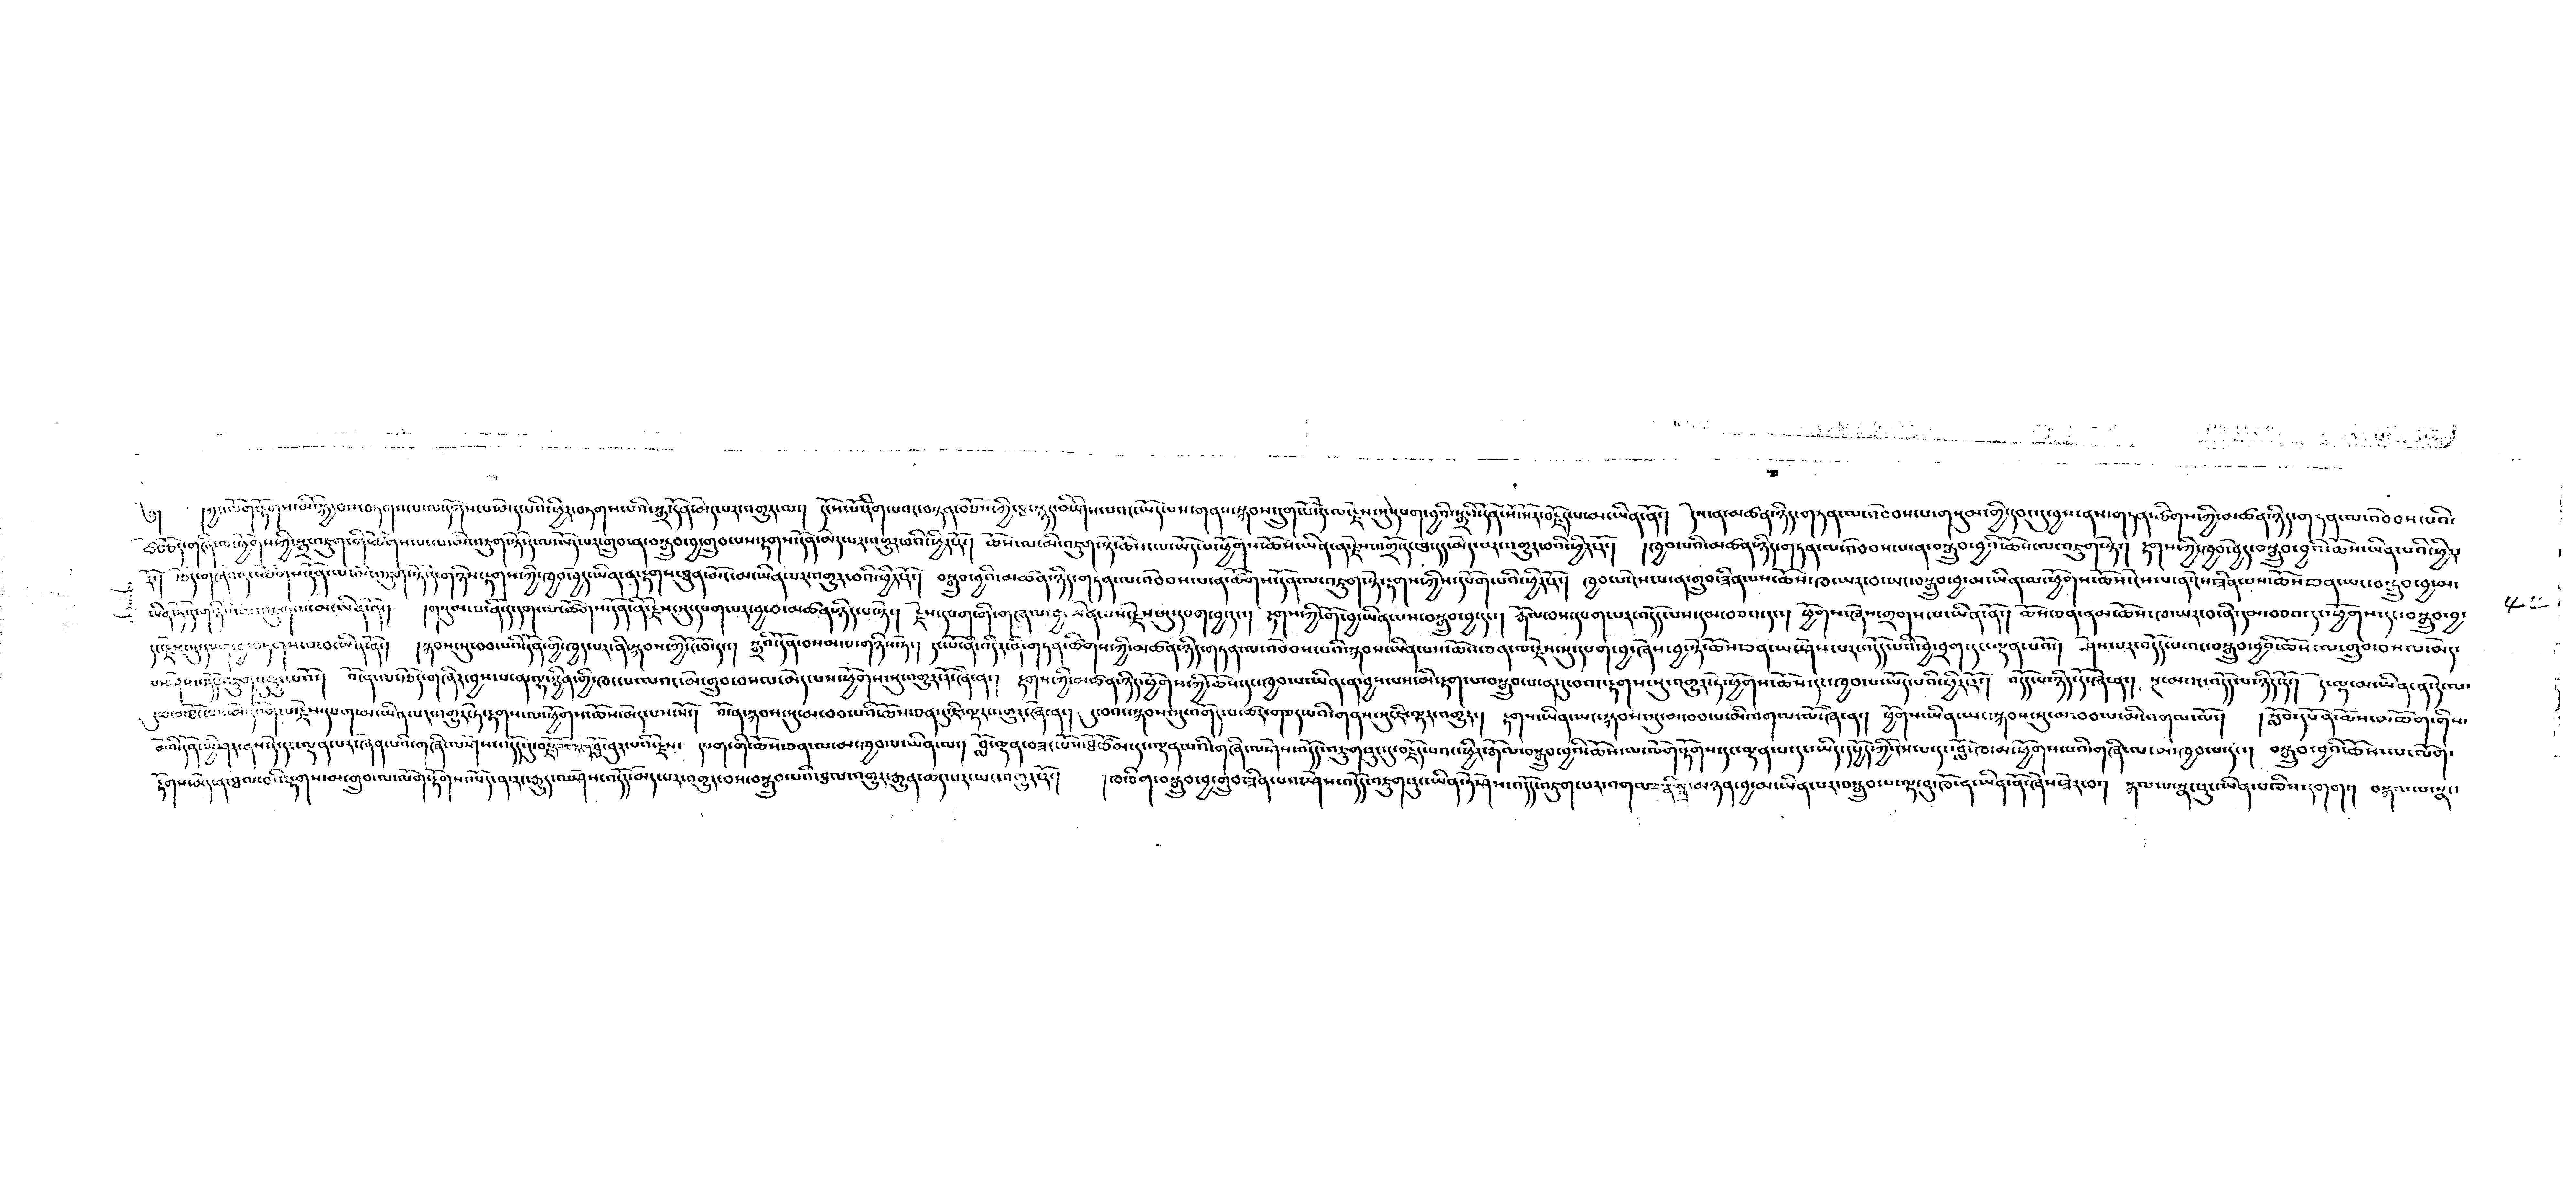༈། །ཀྱང་ལོག་རྟོགས་མི་སྐྱེ་བས་བཏགས་པ་ལ་དགོས་པ་མེད་པའི་ཕྱིར་བཏགས་པའི་སྒྲ་དོན་མེད་པར་འགྱུར་ལ། དངོས་པོ་རིག་པའང་བསྟན་བཅོས་ཀྱི་ཐ་སྙད་མི་ཤེས་པའང་ཡོད་པས་གནས་སྐབས་དྲུག་པོ་དེ་ལ་རྗེས་སུ་དཔག་བྱའི་སྒྲའི་དོན་སོ་སོར་བརྗོད་པ་མ་ཡིན་ནོ། དེས་ན་མཚན་ཉིད་གཏན་ལ་འབེབས་པ་གསུམ་གྱི་དབང་དུ་བྱས་ནས་གཏན་ཚིགས་ཀྱི་མཚན་ཉིད་གཏན་ལ་འབེབས་པའི་
ཚེ་རྩོད་གཞི་ལ་ཕྱོགས་ཀྱི་སྒྲ་འཇུག་གི་ཚོགས་པ་ལ་མི་འཇུག་སྟེ་དེ་ལ་ཡོད་པར་གྲུབ་ན་བསྒྲུབ་བྱ་གྲུབ་པས་རྟགས་དོན་མེད་པར་འགྱུར་བའི་ཕྱིར་རོ། ཆོས་ལ་མི་འཇུག་སྟེ་ཆོས་ལ་ཡོད་པ་ཕྱོགས་ཆོས་ཡིན་ན་རྗེས་འགྲོ་དང་ཐ་དད་མེད་པར་འགྱུར་བའི་ཕྱིར་རོ། །ཁྱབ་པའི་མཚན་ཉིད་གཏན་ལ་འབེབས་པ་ན་བསྒྲུབ་བྱའི་ཆོས་ལ་འཇུག་སྟེ། རྟགས་ཀྱི་ཁྱབ་བྱེད་བསྒྲུབ་བྱའི་ཆོས་ཡིན་པའི་ཕྱིར་
རོ། རྩོད་གཞིའ་དང་ཚོགས་དོན་ལ་མི་འཇུག་སྟེ་དེ་གཉིས་རྟགས་ཀྱི་ཁྱབ་བྱེད་ཡིན་ན་རྟགས་ཐུན་མོང་མ་ཡིན་པར་འགྱུར་བའི་ཕྱིར་རོ། བསྒྲུབ་བྱའི་མཚན་ཉིད་གཏན་ལ་འབེབས་པ་ན་ཚོགས་དོན་ལ་འཇུག་སྟེ་རྟགས་ཀྱིས་དཔོག་པའི་ཕྱིར་རོ། ཁྱབ་པ་ངེས་པ་ན་གྲུབ་ཟིན་པས་ཆོས་ཁ་ཡར་བ་ཡང་བསྒྲུབ་བྱ་མ་ཡིན་མ་ཕྱོགས་ཆོས་ངེས་པ་ན་ངེས་ཟིན་པས་ཆོས་ཅན་ཡང་བསྒྲུབ་བྱ་མ་
ཡིན་ཏེ་དེ་གཉིས་ལ་འཇུག་པ་མ་ཡིན་ནོ། །གསུམ་པ་ནི་དེ་དག་ལ་ཚོགས་དོན་ནི་རྗེས་སུ་དཔག་པར་བྱ་བ་མཚན་ཉིད་པ་སྟེ། རྗེས་དཔག་གི་གཞལ་བྱ་ཡིན་པས་རྗེས་སུ་དཔག་བྱ་དང་། རྟགས་ཀྱི་གོ་བྱ་ཡིན་པས་བསྒྲུབ་བྱ་དང་། རྒོལ་བས་དཔག་པར་འདོད་པས་དམ་བཅའ་དང་། ཕྱོགས་ཞེས་གྲགས་པ་ཡིན་ནོ། ཆོས་ཅན་ནམ་ཆོས་ཁ་ཡར་བ་ནི་དམ་བཅའ་དང་ཕྱོགས་དང་བསྒྲུབ་བྱ་
དང་རྗེས་སུ་དཔག་བྱ་བཏགས་པ་བ་ཡིན་ནོ། །སྐབས་སུ་བབ་པའི་དོན་གྱི་ཁྱད་པར་ནི་སྐབས་ཀྱི་ངོ་བོ་དང་། སྒྲའི་དོན་བསམ་པ་གཉིས་ཏེ། དང་པོ་ནི་འདིར་ནི་གཏན་ཚིགས་ཀྱི་མཚན་ཉིད་གཏན་ལ་འབེབས་པའི་སྐབས་ཡིན་པས་ཆོས་ཅན་ལ་རྗེས་སུ་དཔག་བྱ་ཞེས་བྱ་སྟེ་ཆོས་ཅན་ཡང་ཤེས་པར་འདོད་པའི་བྱེ་བྲག་དང་ལྡན་པའོ། ཤེས་པར་འདོད་པ་འང་བསྒྲུབ་བྱའི་ཆོས་ལ་གྲུབ་བསལ་མེད་
པས་ཤེས་འདོད་འཇུག་དུ་རུང་པའོ། འོ་ན་ལ་རྩོད་གཞིར་བྱས་པ་ན་ལྷ་སྦྱིན་གྱི་ཁང་པ་ལའང་མེ་གྲུབ་བསལ་མེད་པས་ཕྱོགས་སུ་འགྱུར་རོ་ཞེ་ན། རྟགས་ཀྱི་མཚན་ཉིད་ཕྱོགས་ཀྱི་ཆོས་དང་ཁྱབ་པ་ཡིན་ན་བྱས་པས་མི་རྟག་པ་བསྒྲུབ་པ་ན་དུ་བའང་རྟགས་སུ་འགྱུར་ཏེ་ཕྱོགས་ཆོས་དང་ཁྱབ་པ་ཡོད་པའི་ཕྱིར་རོ། འདོད་པ་ཉིད་དོ་ཞེ་ན། སྔ་མའང་འདོད་པ་ཉིད་དོ། དེ་ལྟ་མ་ཡིན་ན་དེ་ལ་
དུ་བ་མཐོང་པས་མེ་དཔོག?་པ་རྗེས་དཔག་མ་ཡིན་པར་འགྱུར་ཏེ་རྟགས་ལ་ཕྱོགས་ཆོས་མེད་པས་སོ། འོ་ན་སྐབས་སུ་མ་བབ་པའི་ཆོས་ཅན་དུ་ཇི་ལྟར་འགྱུར་ཞེ་ན། དུ་བའང་སྐབས་སུ་འགོད་པ་ཚར་གཅད་པའི་གནས་སུ་ཇི་ལྟར་འགྱུར། རྟགས་ཡིན་ཡང་སྐབས་སུ་མ་བབ་པ་མི་འགལ་ལོ་ཞེ་ན། ཕྱོགས་ཡིན་ཡང་སྐབས་སུ་མ་བབ་པ་མི་འགལ་ལོ། །སློབ་དཔོན་ཆོས་མཆོག་གིས་
?་???་བཟང་པོ་པོས་ཐེ་ཙོམ་དང་ལྡན་པའི་གཞི་ལ་ཤེས་??་དང་བརྗོད་པའང་ཕྱིར་རྒོལ་བསྒྲུབ་བྱའི་ཆོས་ལ་ལོག་རྟོགས་དང་ལྡན་པ་དང་ཡིད་དཔྱོད་ཀྱི་ངེས་པ་དང་བློ་ཁ་མ་ཕྱོགས་པའི་གཞི་ལ་མ་ཁྱབ་པ་དང་། བསྒྲུབ་བྱའི་ཆོས་ལ་ལོག་